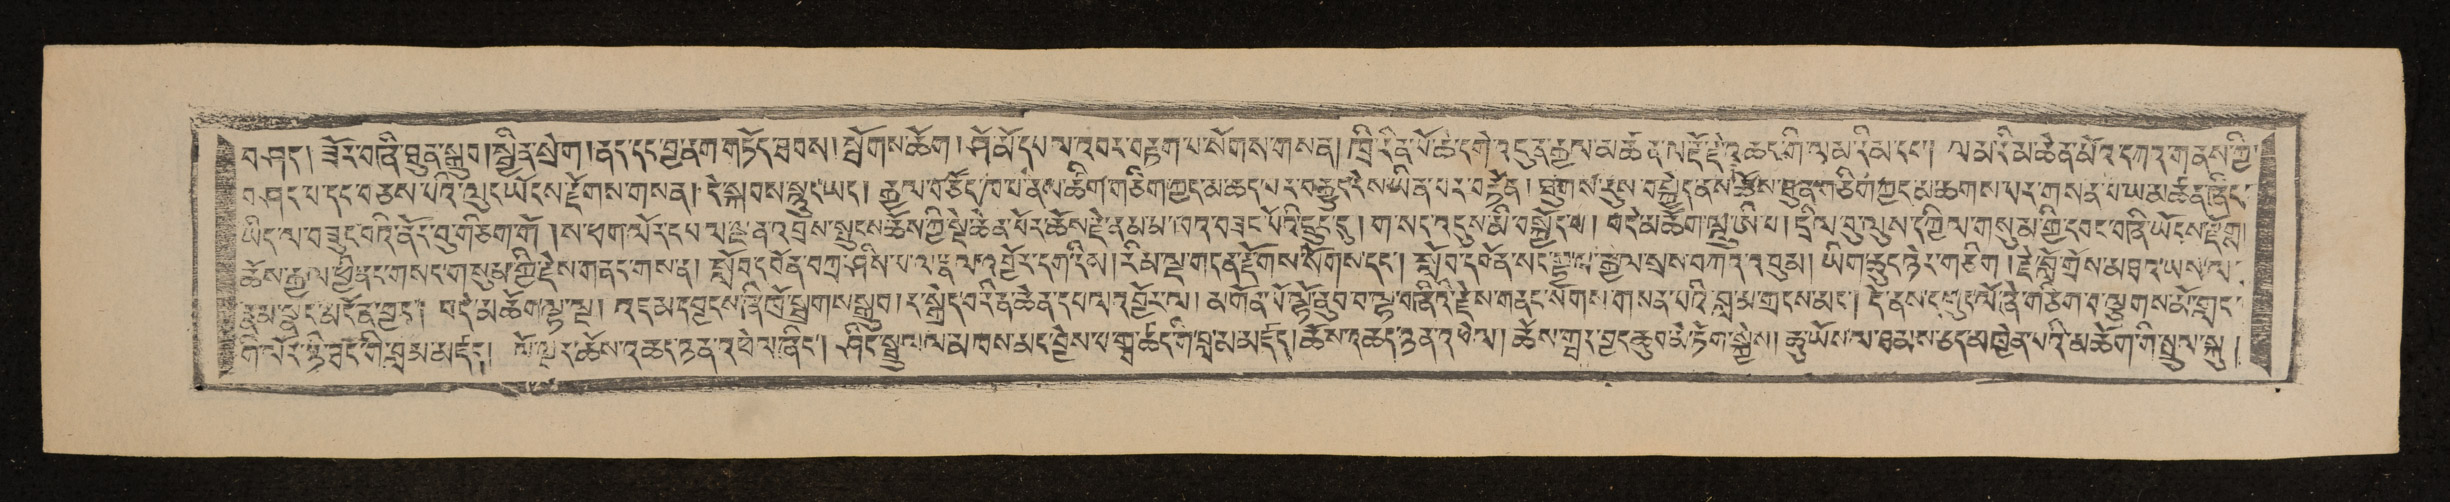བཤད། ཟོར་བཞི་ཐུན་སྒྲུབ། སྦྱིན་སྲེག །ནད་དང་བྱ་ནག་གཏོང་ཐབས། སྤོགས་ཆོག །ཤོ་མོ་དཔལ་འབར་བརྟག་པ་སོགས་གསན། ཁྲི་རིན་པོ་ཆེ་དགེ་འདུན་རྒྱལ་མཚན་ལ་རྡོ་རྗེ་འཆང་གི་ལམ་རིམ་དང་། ལམ་རིམ་ཆེན་མོའི་དཀའ་གནས་ཀྱི་
བཤད་པ་དང་བཅས་པའི་ལུང་ཡོངས་རྫོགས་གསན། དེ་སྐབས་སྙུང་ཡང་། རྒྱལ་བ་ཙོང་ཁ་པ་ནས་ཚིག་གཅིག་ཀྱང་མ་ཆད་པར་བརྒྱུད་ངེས་ཡིན་པར་བརྟེན། ཐུགས་རུས་བསྐྱེད་ནས་ཆོས་ཐུན་གཅིག་ཀྱང་མ་ཆགས་པར་གསན་པ་ཡ་མཚན་ཞིང་
ཡིད་ལ་བཟུང་བའི་ནོར་བུ་གཅིག་གོ །ས་ཕག་ལོར་དཔལ་ལྡན་འབྲས་སྤུངས་ཆོས་ཀྱི་སྡེ་ཆེན་པོར་ཆོས་རྗེ་ནམ་མཁའ་བཟང་པོའི་དྲུང་དུ། གསང་འདུས་མི་བསྐྱོད་པ། བདེ་མཆོག་ལཱུ་ཨི་པ། དྲིལ་བུ་ལུས་དཀྱིལ་གསུམ་གྱི་དབང་བཞི་ཡོངས་རྫོགས།
ཆོས་རྒྱལ་ཕྱི་ནང་གསང་གསུམ་གྱི་རྗེས་གནང་གསན། སློབ་དཔོན་བཀྲ་ཤིས་པ་ལ་རྣལ་འབྱོར་དག་རིམ། རིམ་ལྔ་གདན་རྫོགས་སོགས་དང་། སློབ་དཔོན་སང་གྷ་ལ་རྒྱལ་སྲས་བཀའ་འབུམ། ཡིག་ཆུང་ཉེར་གཅིག །རྗེ་བློ་གྲོས་མཐའ་ཡས་ལ་
རྣམ་སྣང་མངོན་བྱང་། བདེ་མཆོག་ལྷ་ལྔ། འཇམ་དབྱངས་ཞི་ཁྲོ་སྒྲགས་སྒྲུབ། ར་སྒྲེང་བ་རིན་ཆེན་དཔལ་འབྱོར་ལ། མགོན་པོ་ལྷོ་ནུབ་པ་ལྷ་བཞིའི་རྗེས་གནང་སོགས་གསན་པའི་བླ་མ་གྲངས་མང་། དེ་ནས་དགུང་ལོ་ཞེ་གཅིག་པ་ལྕགས་མོ་གླང་
གི་ལོར་ཉི་ཐང་གི་བླ་མ་མཛད། ལོ་ལྔར་ཆོས་འཆད་ཉན་འཕེལ་ཞིང་། ཤིང་སྦྲུལ་ལ་མཁས་མ་དབྱེས་པ་གྲྭ་ཚང་གི་བླ་མ་མཛད། ཆོས་འཆད་ཉན་འཕེལ། ཆོས་གྲྭར་བྱང་ཆུབ་མེ་ཏོག་སྐྱེས། ཆུ་ཡོས་ལ་ཐམས་ཅད་མཁྱེན་པའི་མཆོག་གི་སྤྲུལ་སྐུ་